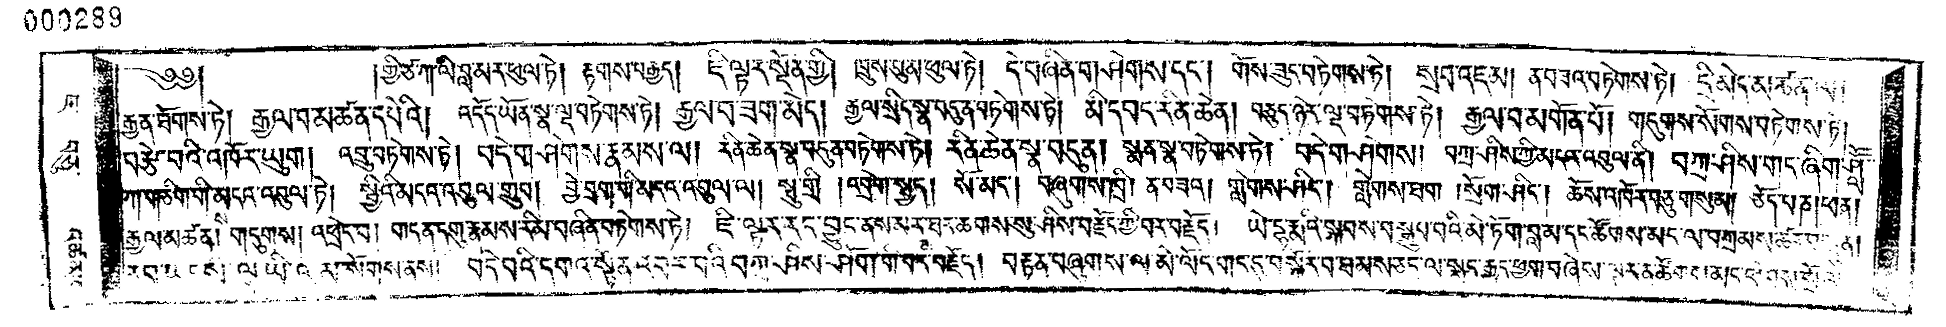༄༅། །གྱི་ཙ་ཀ་ལི་བླ་མར་ཕུལ་ཏེ། རྟགས་བརྒྱད། ཇི་ལྟར་སྔོན་གྱི། ཁྲུས་བུམ་ཕུལ་ཏེ།  དེ་བཞིན་གཤེགས་དང་། གོས་ཟུང་བཏེགས་ཏེ།  སྲབ་འཇམ། ན་བཟའ་བཏེགས་ཏེ།  དྲི་མེད་མཚན་ལ།
རྒྱན་ཐོགས་ཏེ།  རྒྱལ་བ་མཚན་དཔེའི། འདོད་ཡོན་སྣ་ལྔ་བཏེགས་ཏེ།  རྒྱལ་བ་ཟག་མེད། རྒྱལ་སྲིད་སྣ་བདུན་བཏེགས་ཏེ།  མི་དབང་རིན་ཆེན། བཅུད་ཉེར་ལྔ་བཏེགས་ཏེ།  རྒྱལ་བ་མགོན་པོ། གདུགས་སོགས་བཏེགས་ཏེ།
བརྩེ་བའི་འཁོར་ཡུག ། འབྲུ་བཏེགས་ཏེ།  བདེ་གཤེགས་རྣམས་ལ། རིན་ཆེན་སྣ་བདུན་བཏེགས་ཏེ།  རིན་ཆེན་སྣ་བདུན། སྨན་སྣ་བཏེགས་ཏེ།  བདེ་གཤེགས། བཀྲ་ཤིས་ཀྱི་མངའ་འབུལ་ནི།  བཀྲ་ཤིས་གང་ཞིག་ཤླཽ་
ཀ་གཅིག་གིས་མངའ་འབུལ་ཏེ། སྤྱིའི་མངའ་འབུལ་གྲུབ། བྱེ་བྲག་གི་མངའ་འབུལ་ལ། སྤུ་གྲི་།འབྲེག་སྤྱད། སོ་མང་། བཞུགས་ཁྲི། ན་བཟའ། གླེགས་ཤིང་། གླེགས་ཐག །སྲོག་ཤིང་། ཆོས་འཁོར་བཅུ་གསུམ། ཅོད་པཎ། ཕན།
རྒྱལ་མཚན། གདུགས། འཕྲེང་བ། གདན་དགུ་རྣམས་རིམ་བཞིན་བཏེགས་ཏེ། ཇི་ལྟར་རང་བྱུང་ནས་མར་མཐར་ཆགས་སུ་ཤིས་བརྗོད་ཀྱི་བར་བརྗོད། ཡེ་དྷརྨའི་སྐབས་བསྒྲུབ་པའི་མེ་ཏོག་བླ་མ་དང་ཚོགས་མང་ལ་བཀྲམས་ཚར་བསྟུན།
རབ་ཡངས་ལྷ་ཡི་ལམ་སོགས་ནས།  བདེ་བའི་དགའ་སྟོན་འབར་བའི་བཀྲ་ཤིས་ཤོག་གི་བར་བརྗོད། བརྟན་བཞུགས་ལ་མེ་ལོང་གང་དུ་བསྐོར་བ་ཐམས་ཅད་ལ་སྨད་རྒྱུད་ཕྱག་བཞེས་ལྟར་ན་ཚོགས་མང་ཕེབས་སྲོལ་